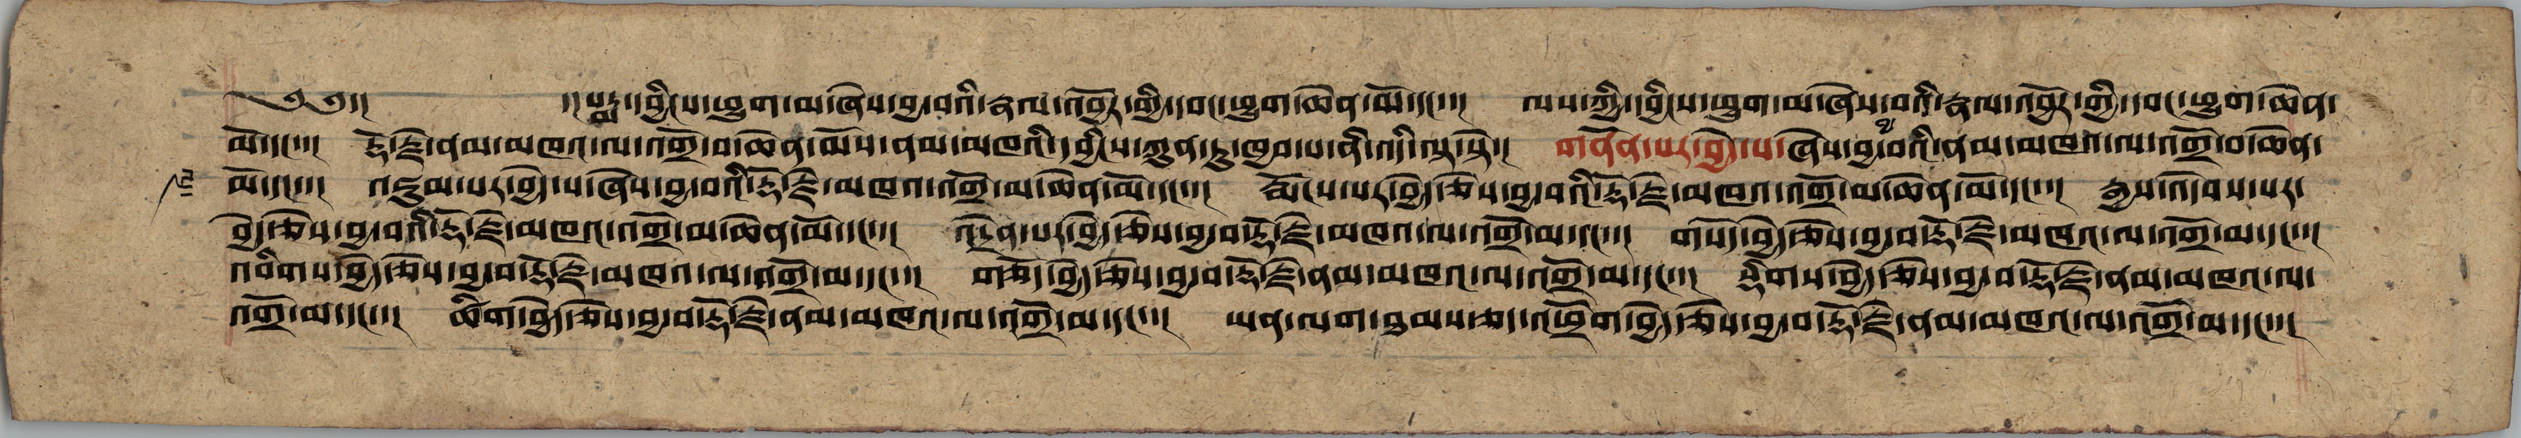༄༅་། ་།པདྨ་དབྱིངས་ཕྱུག་མ་ཞེས་བྱ་བའི་རྣལ་འབྱོར་གྱི་དབང་ཕྱུག་ཆེན་མོ་དང་་། ལས་ཀྱིི་དབྱིངས་ཕྱུག་མ་ཞེས་བྱ་བའི་རྣལ་འབྱོར་གྱི་དབང་ཕྱུག་ཆེན་
མོ་དང་་། རྡོ་རྗེ་ནམ་མཁའ་ལ་འགྲོ་བ་ཆེན་མོས་ནམ་མཁའི་དབྱིངས་ཀུན་ཏུ་ཁྱབ་པ་ནི་འདི་ལྟ་སྟེ་། གནོན་པར་བྱེད་པ་ཞེས་བྱ་བའི་ནམ་མཁའ་ལ་འགྲོ་བ་ཆེན་
མོ་དང་་། འཇུམ་པར་བྱེད་པ་ཞེས་བྱ་བའི་རྡོ་རྗེ་མཁའ་འགྲོ་མ་ཆེན་མོ་དང་་། རྨོངས་པར་བྱེད་ཅེས་བྱ་བའི་རྡོ་རྗེ་མཁའ་འགྲོ་མ་ཆེན་མོ་དང་་། རྒྱས་འདེབས་པར་
བྱེད་ཅེས་བྱ་བའི་རྡོ་རྗེ་མཁའ་འགྲོ་མ་ཆེན་མོ་དང་་། འདྲེན་པར་བྱེད་ཅེས་བྱ་བ་རྡོ་རྗེ་མཁའ་ལ་འགྲོ་མ་དང་་། གསོད་བྱེད་ཅེས་བྱ་བ་རྡོ་རྗེ་མཁའ་ལ་འགྲོ་མ་དང་་།
འབིགས་བྱེད་ཅེས་བྱ་བ་རྡོ་རྗེ་མཁའ་ལ་འགྲོ་མ་དང་་། གཅོད་བྱེད་ཅེས་བྱ་བ་རྡོ་རྗེ་ནམ་མཁའ་ལ་འགྲོ་མ་དང་་། སྡིགས་བྱེད་ཅེས་བྱ་བ་རྡོ་རྗེ་ནམ་མཁའ་ལ་
འགྲོ་མ་དང་་། ཚིག་བྱེད་ཅེས་བྱ་བ་རྡོ་རྗེ་ནམ་མཁའ་ལ་འགྲོ་མ་དང་་། ཡན་ལག་ཐམས་ཅད་འཕྲོག་བྱེད་ཅེས་བྱ་བ་རྡོ་རྗེ་ནམ་མཁའ་ལ་འགྲོ་མ་དང་་།